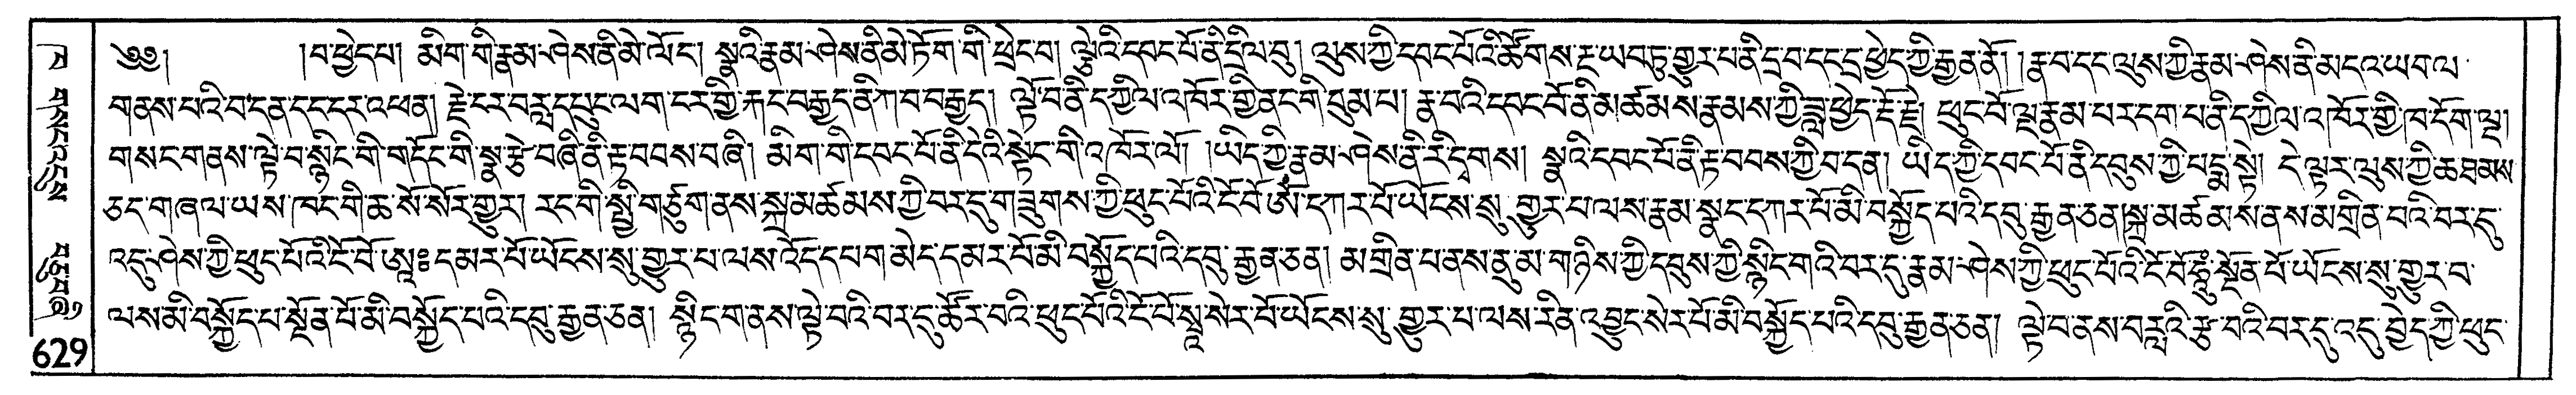༄༅། །བ་ཕྱེད་པ། མིག་གི་རྣམ་ཤེས་ནི་མེ་ལོང་། སྣའི་རྣམ་ཤེས་ནི་མེ་ཏོག་གི་ཕྲེང་བ། ལྕེའི་དབང་པོ་ནི་དྲིལ་བུ། ལུས་ཀྱི་དབང་པོའི་ཚོགས་རྔ་ཡབ་ཏུ་གྱུར་པ་ནི་དྲ་བ་དང་དྲ་ཕྱེད་ཀྱི་རྒྱན་ནོ། །རྣ་བ་དང་ལུས་ཀྱི་རྣམ་ཤེས་ནི་མདའ་ཡབ་ལ་
གནས་པའི་བ་དན་དང་དར་འཕན། རྗེ་ངར་བརླ་དཔུང་ལག་ངར་གྱི་རྐང་བརྒྱད་ནི་ཀ་བ་བརྒྱད། ལྟོ་བ་ནི་དཀྱིལ་འཁོར་གྱི་ནང་གི་བུམ་པ། རྣ་བའི་དབང་པོ་ནི་མཚམས་རྣམས་ཀྱི་ཟླ་ཕྱེད་རྡོ་རྗེ། ཕུང་པོ་ལྔ་རྣམ་པར་དག་པ་ནི་དཀྱིལ་འཁོར་གྱི་ཁ་དོག་ལྔ།
གསང་གནས་ལྟེ་བ་སྙིང་གི་གདོང་གི་སྣ་རྩེ་བཞི་ནི་རྟ་བབས་བཞི། མིག་གི་དབང་པོ་ནི་དེའི་སྟེང་གི་འཁོར་ལོ། །ཡིད་ཀྱི་རྣམ་ཤེས་ནི་རི་དྭགས། སྣའི་དབང་པོ་ནི་རྟ་བབས་ཀྱི་བ་དན། ཡིད་ཀྱི་དབང་པོ་ནི་དབུས་ཀྱི་པདམ་སྟེ། དེ་ལྟར་ལུས་ཀྱི་ཆ་ཐམས་
ཅད་གཞལ་ཡས་ཁང་གི་ཆ་སོ་སོར་གྱུར། རང་གི་སྤྱི་གཙུག་ནས་སྐྲ་མཚམས་ཀྱི་བར་དུ་གཟུགས་ཀྱི་ཕུང་པོའི་ངོ་བོ་ཨོཾ་དཀར་པོ་ཡོངས་སུ་གྱུར་པ་ལས་རྣམ་སྣང་དཀར་པོ་མི་བསྐྱོད་པའི་དབུ་རྒྱན་ཅན། སྐྲ་མཚམས་ནས་མགྲིན་པའི་བར་དུ་
འདུ་ཤེས་ཀྱི་ཕུང་པོའི་ངོ་བོ་ཨཱཿ དམར་པོ་ཡོངས་སུ་གྱུར་པ་ལས་འོད་དཔག་མེད་དམར་པོ་མི་བསྐྱོད་པའི་དབུ་རྒྱན་ཅན། མགྲིན་པ་ནས་ནུ་མ་གཉིས་ཀྱི་དབུས་ཀྱི་སྙིང་གའི་བར་དུ་རྣམ་ཤེས་ཀྱི་ཕུང་པོའི་ངོ་བོ་ཧཱུཾ་སྔོན་པོ་ཡོངས་སུ་གྱུར་བ་
ལས་མི་བསྐྱོད་པ་སྔོན་པོ་མི་བསྐྱོད་པའི་དབུ་རྒྱན་ཅན། སྙིང་ག་ནས་ལྟེ་བའི་བར་དུ་ཚོར་བའི་ཕུང་པོའི་ངོ་བོ་སྭཱ་སེར་པོ་ཡོངས་སུ་གྱུར་པ་ལས་རིན་འབྱུང་སེར་པོ་མི་བསྐྱོད་པའི་དབུ་རྒྱན་ཅན། ལྟེ་བ་ནས་བརླའི་རྩ་བའི་བར་དུ་འདུ་བྱེད་ཀྱི་ཕུང་